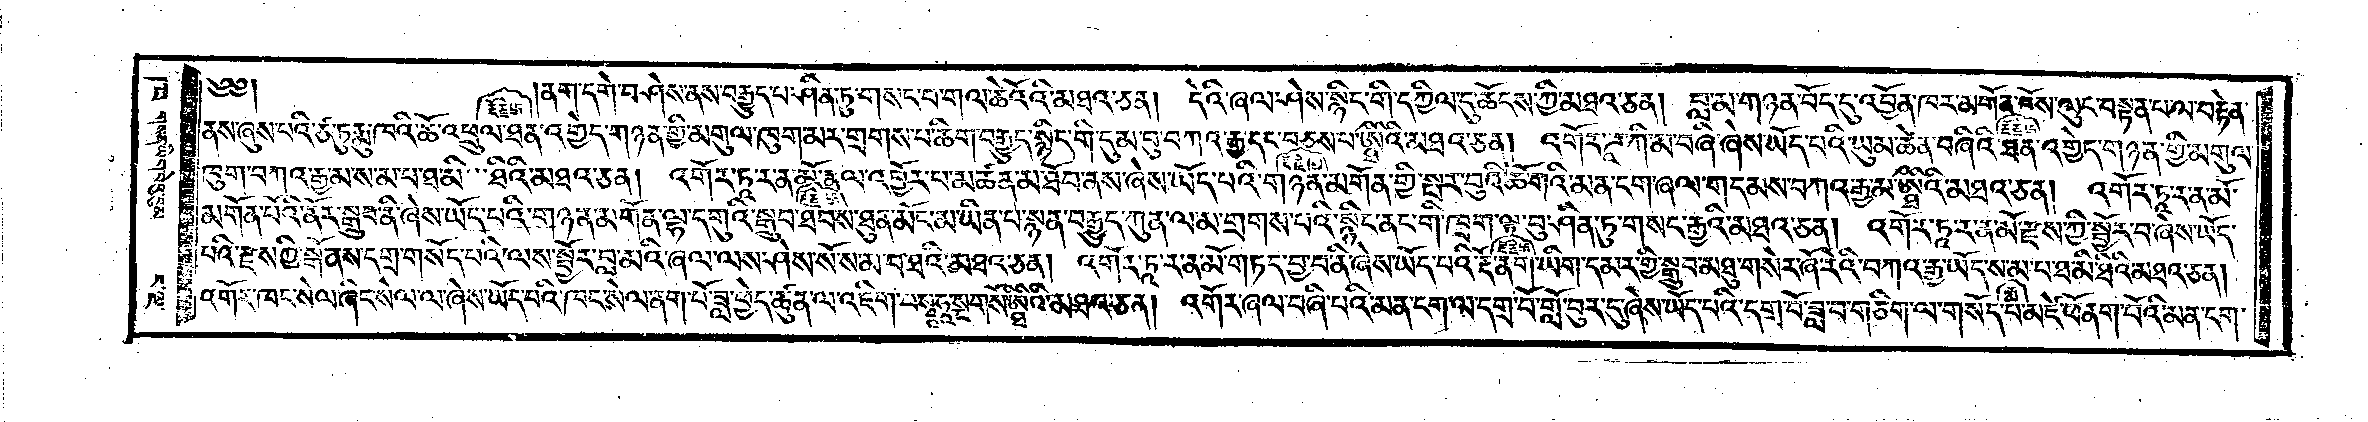༄༅། །ནག་དགེ་བཤེས་ནས་བརྒྱུད་པ་ཤིན་ཏུ་གསང་བ་གལ་ཆེའོའི་མཐའ་ཅན། དེའི་ཞལ་ཤེས་སྙིང་གི་དཀྱིལ་དུ་ཆོངས་ཀྱི་མཐའ་ཅན། བླ་མ་གཉན་བོད་དུ་འབྱོན་ཁར་མགོན་པོས་ལུང་བསྟན་པ་ལ་བརྟེན་
ནས་ཞུས་པའི་ཙ་ཏུ་རྨུ་ཁའི་ཆོ་འཕྲུལ་ཐན་འགྱེད་གཉན་གྱི་མགུལ་ཁུག་མར་གྲགས་པ་ཆིག་བརྒྱུད་སྙིང་གི་དུམ་བུ་བཀའ་རྒྱ་དང་བཅས་པ་ཨིཐིའི་མཐའ་ཅན། འགོར་ཌཱ་ཀི་མ་བཞི་ཞེས་ཡོད་པའི་ཡུམ་ཆེན་བཞིའི་ཐན་འགྱེད་གཉན་གྱི་མགུལ་
ཁུག་བཀའ་རྒྱ་མ་ས་མ་པ་ཐ་མི་ཐིའི་མཐའ་ཅན། འགོར་ཏཱ་ར་ན་མོ་རྣལ་འབྱོར་པ་མཚན་མ་ཐོབ་ནས་ཞེས་ཡོད་པའི་གཉན་མགོན་གྱི་སྤར་བུའི་ཆོ་གའི་མན་ངག་ཞལ་གདམས་བཀའ་རྒྱ་མ་ཨིཐིའི་མཐའ་ཅན། འགོར་ཏཱ་ར་ན་མོ་
མགོན་པོའི་ནོར་སྒྲུབ་ནི་ཞེས་ཡོད་པའི་གཉན་མགོན་ལྷ་དགུའི་སྒྲུབ་ཐབས་ཐུན་མོང་མ་ཡིན་པ་སྙན་བརྒྱུད་ཀུན་ལ་མ་གྲགས་པའི་སྙིང་ནང་གི་ཁྲག་ལྟ་བུ་ཤིན་ཏུ་གསང་རྒྱའི་མཐའ་ཅན། འགོར་ཏཱ་ར་ན་མོ་རྫས་ཀྱི་སྦྱོར་བ་ཞེས་ཡོད་
པའི་རྫས་ཀྱི་སྒོ་ནས་དགྲ་གསོད་པའི་ལས་སྦྱོར་བླ་མའི་ཞལ་ལས་ཤེས་སོ་ས་མ་བ་ཐའི་མཐའ་ཅན། འགོར་ཏཱ་ར་ན་མོ་གཏད་བྱ་བ་ནི་ཞེས་ཡོད་པའི་རྡོ་ནག་ཡིག་དམར་གྱི་སྒྲུབ་མཐུ་གསེར་ཞོ་རེའི་བཀའ་རྒྱ་ཡོད་ས་མ་པ་ཐ་མི་ཐིའི་མཐའ་ཅན།
འགོར་ཁང་སེལ་ཞིང་སེལ་ལ་ཞེས་ཡོད་པའི་ཁང་སེལ་ནག་པོ་ཟླ་ཕྱེད་ཚུན་ལ་འཇིག་བསྭཱཧཱ་སྔསོ་ཨིཐིའི་མཐའ་ཅན། འགོར་ཞལ་བཞི་པའི་མན་ངག་ལ་དགྲ་བོ་གློ་བུར་དུ་ཞེས་ཡོད་པའི་དགྲ་བོ་ཟླ་བ་གཅིག་ལ་གསོད་པ་མཛེ་ཕོ་ནག་པོའི་མན་ངག་